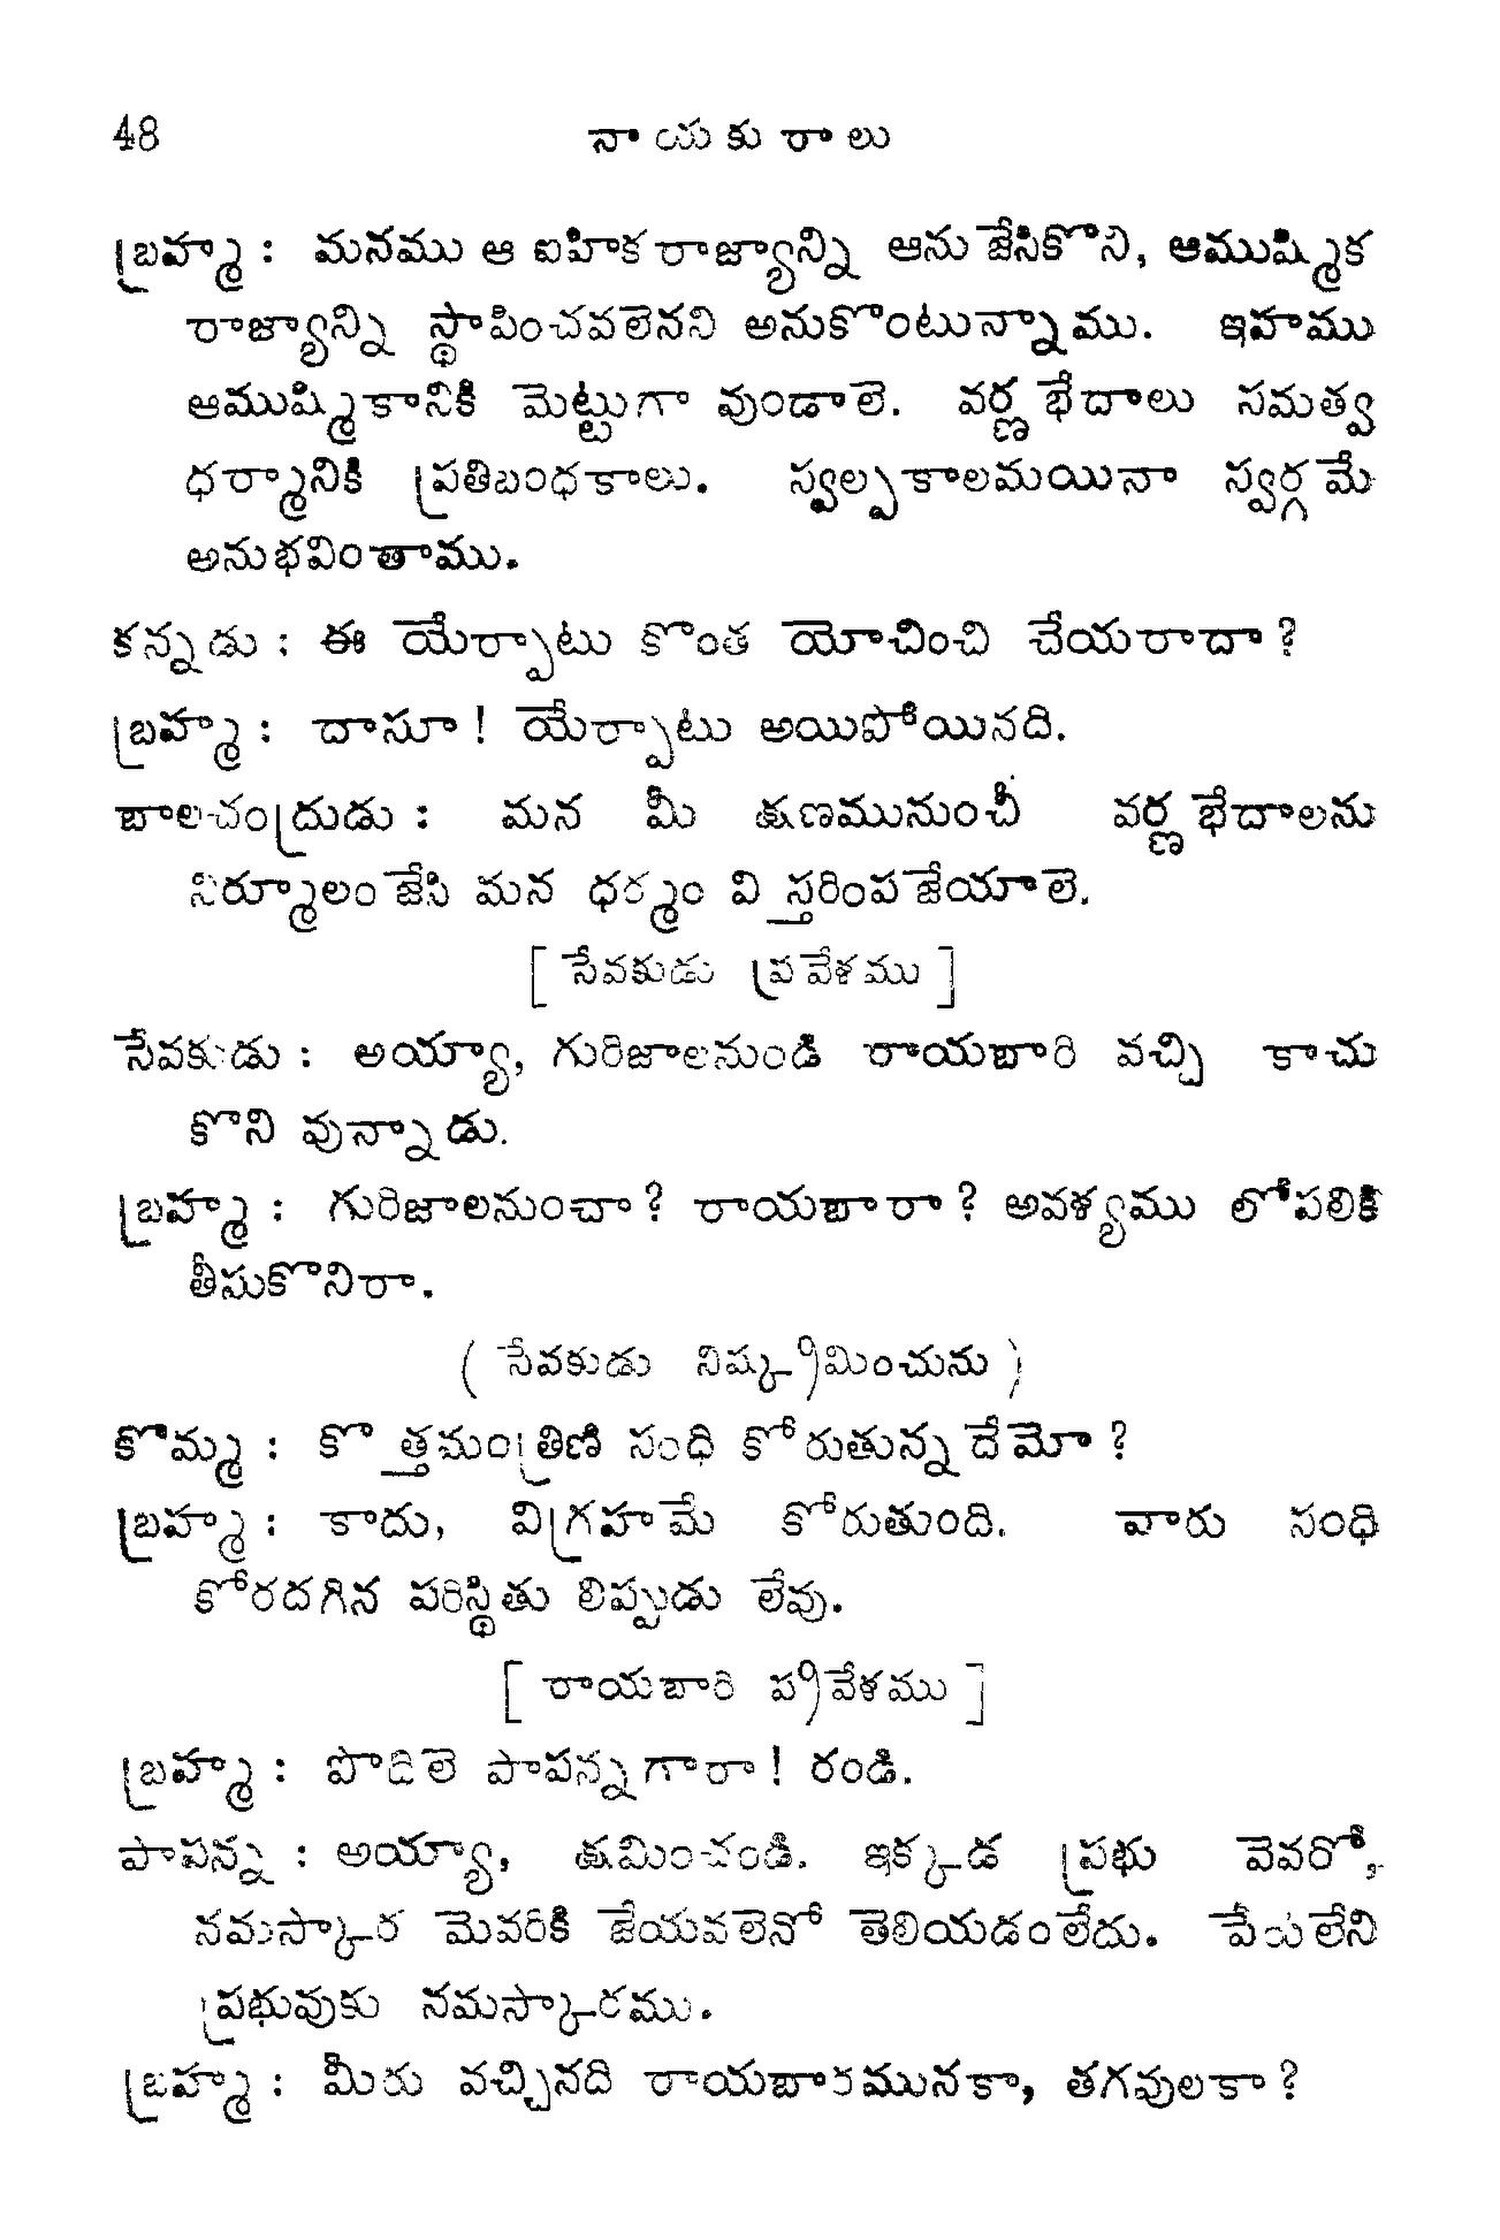బ్రహ్మ : మనము ఆ ఐహిక రాజ్యాన్ని ఆను జేసికొని, ఆముష్మిక రాజ్యాన్ని స్థాపించవలెనని అనుకొంటున్నాము. ఇహము ఆముష్మికానికి మెట్టుగా వుండాలె. వర్ణభేదాలు సమత్వ ధర్మానికి ప్రతిబంధకాలు. స్వల్పకాలమయినా స్వర్గమే అనుభవింతాము.

కన్నడు : ఈ యేర్పాటు కొంత యోచించి చేయరాదా?

బ్రహ్మ: దాసూ! యేర్పాటు అయిపోయినది.

బాలచంద్రుడు : మన మీ క్షణమునుంచీ వర్ణభేదాలను నిర్మూలంజేసి మన ధర్మం విస్తరింపజేయాలె.

సేవకుడు : అయ్యా, గురిజాలనుండి రాయబారి వచ్చి కాచుకొని వున్నాడు.

బ్రహ్మ : గురజాలనుంచా ? రాయబారా? అవశ్యము లోపలికి తీసుకొనిరా,

కొమ్మ : కొత్తమంత్రిణి సంధి కోరుతున్నదేమో?

బ్రహ్మ: కాదు, విగ్రహమే కోరుతుంది. వారు సంధి కోరదగిన పరిస్థితు లిప్పుడు లేవు.

బ్రహ్మ: పొదిలె పాపన్నగారా ! రండి, .

పాపన్న : అయ్యా, క్షమించండి. ఇక్కడ ప్రభు వెవరో, నమస్కార మెవరికి జేయవలెనో తెలియడంలేదు. పేరులేని ప్రభువుకు నమస్కారము.

బ్రహ్మ : మీరు వచ్చినది రాయబారమునకా, తగవులకా ?